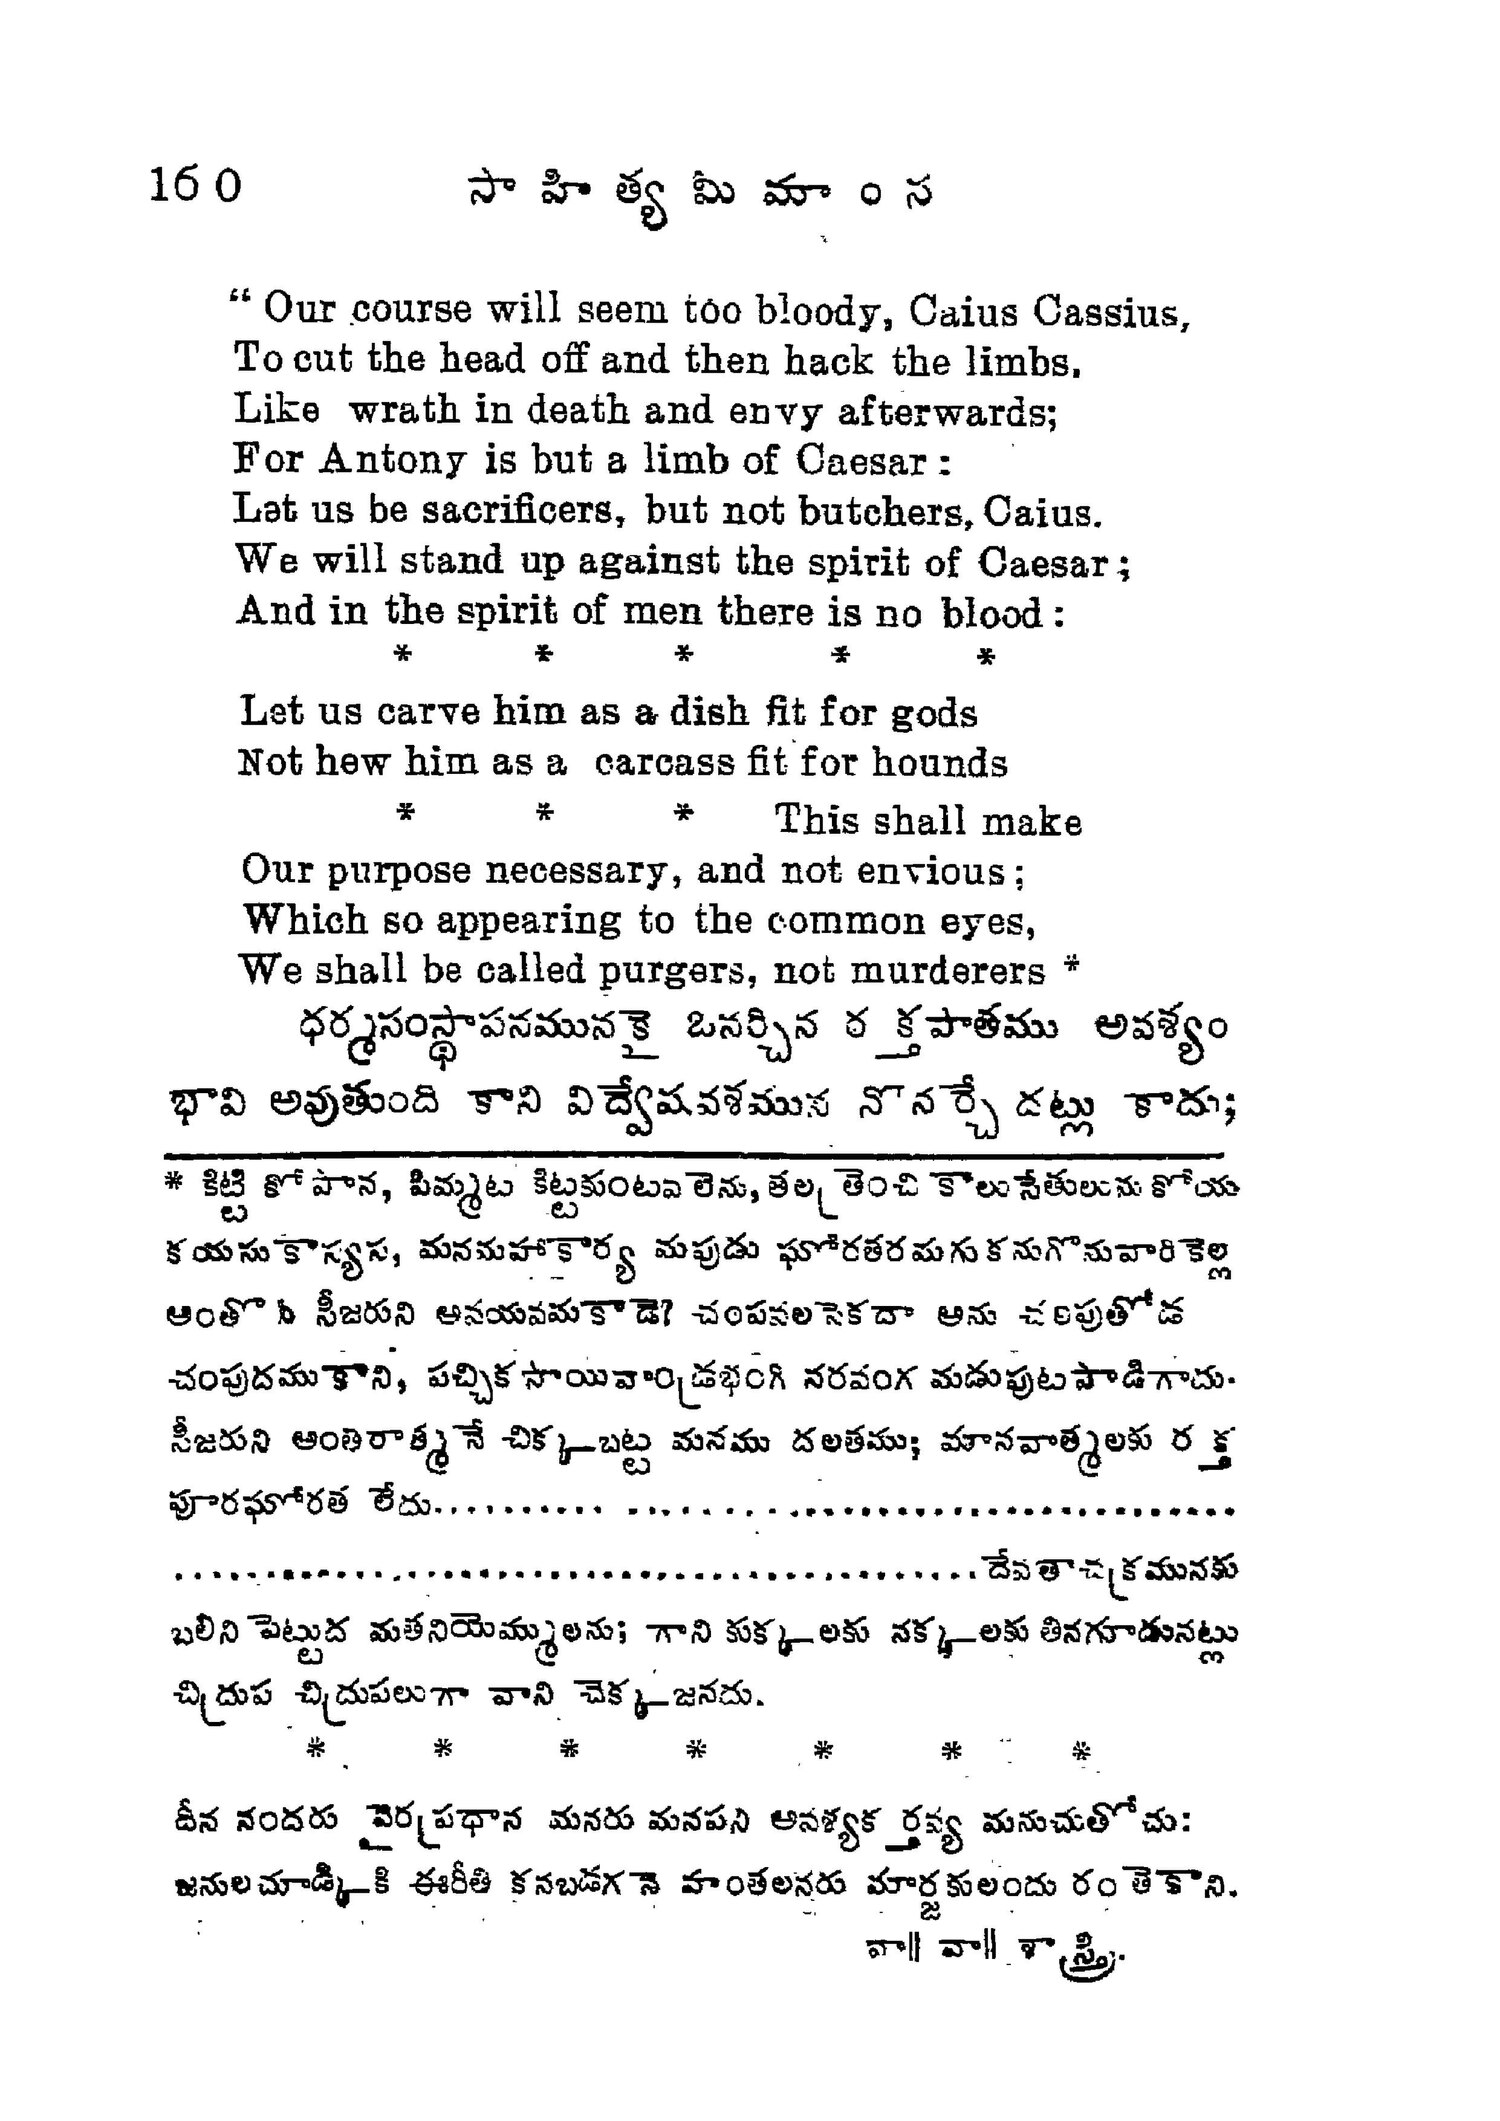"Our course will seem too bloody, Caius Cassius,
 To cut the head off and then hack the limbs.
 Like wrath in death and envy afterwards;
 For Antony is but a limb of Caesarː
 Lat us be sacrificers, but not butchers, Caius.
 We will stand up against the spirit of Caesar;
 And in the spirit of men there is no bloodː
 * * * * *
 Let us carve him as a dish fit for gods
 Not hew him as a carcass fit for hounds
 * * * This shall make
 Our purpose necessary, and not envious;
 Which so appearing to the common eyes,
 We shall be called purgers, not murderers*

ధర్మసంస్థాపనమునకై ఒనర్చిన రక్తపాతము అవశ్యం భావి అవుతుంది కాని విద్వేషవశమున నొనర్చే దట్లు కాదు;